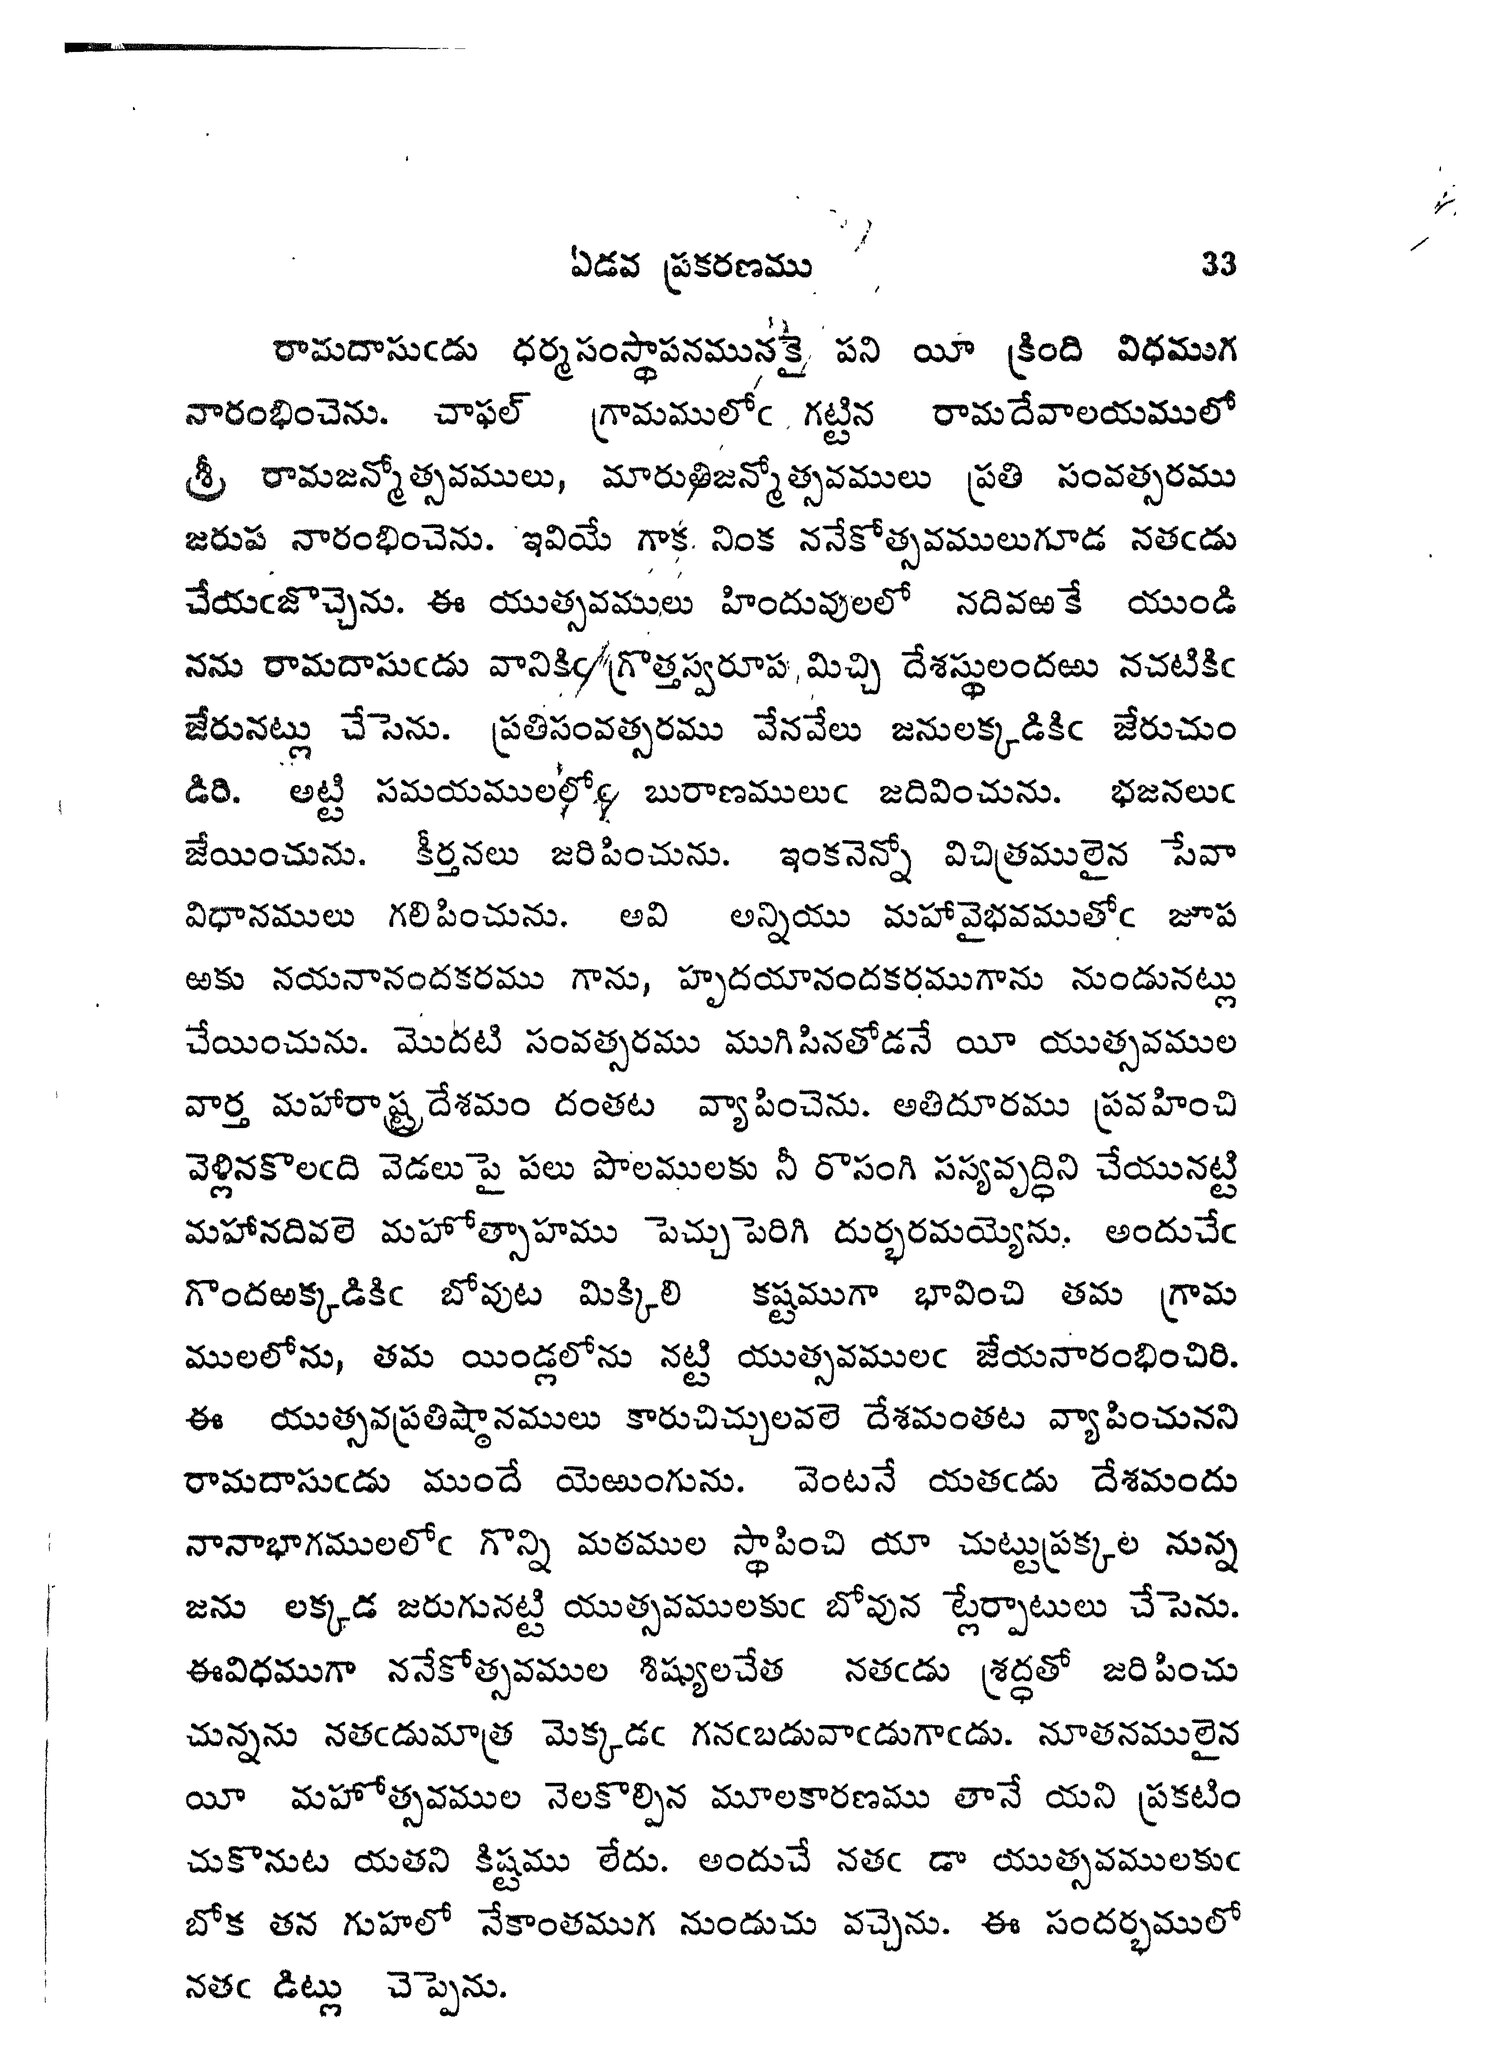రామదాసుడు ధర్మసంస్థాపనమునకై పని యీ క్రింది విధముగ నారంభించెను. చాఫల్ గ్రామములో గట్టిన రామదేవాలయములో శ్రీ రామజన్మోత్సములు, మారుతిజన్మోత్సవములు ప్రతి సంవత్సరము జరుప నారంభించెను. ఇవియే గాక నింక ననేకోత్సవములుగూడ నతడు చేయజొచ్చెను. ఈ యుత్సవములు హిందువులలో నదివఱకే యుండినను రామదాసుడు వానికిం గ్రొత్తస్వరూప మిచ్చి దేశస్థులందఱు నచటికి జేరునట్లు చేసెను. ప్రతిసంవత్సరము వేనవేలు జనులక్కడికి జేరుచుండిరి. అట్టి సమయములలో బురాణములు జదివించును. భజనలు జేయించును. కీర్తనలు జరిపించును. ఇంకనెన్నో విచిత్రములైన సేవా విధానములు గలిపించును. అవి అన్నియు మహావైభవముతో జూపఱకు నయనానందకరము గాను, హృదయానందకరముగాను నుండునట్లు చేయించును. మొదటి సంవత్సరము ముగిసినతోడనే యీ యుత్సవముల వార్త మహారాష్ట్ర దేశమం దంతట వ్యాపించెను. అతిదూరము ప్రవహించి వెళ్లినకొలది వెడలుపై పలు పొలములకు నీ రొసంగి సస్యవృద్ధిని చేయునట్టి మహానదివలె మహోత్సాహము పెచ్చుపెరిగి దుర్భరమయ్యెను. అందుచే గొందఱక్కడికి బోవుట మిక్కిలి కష్టముగా భావించి తమ గ్రామములలోను, తమ యిండ్లలోను నట్టి యుత్సవముల జేయనారంభించిరి. ఈ యుత్సవప్రతిష్ఠానములు కారుచిచ్చువలె దేశమంతట వ్యాపించునని రామదాసుడు ముందే యెఱుంగును. వెంటనే యతడు దేశమందు నానాభాగములలో గొన్ని మఠముల స్థాపించి యా చుట్టుప్రక్కల నున్నజను లక్కడ జరుగునట్టి యుత్సవములకు బోవున ట్లేర్పాటులు చేసెను. ఈ విధముగా ననేకోత్సవముల శిష్యులచేత నతడు శ్రద్ధతో జరిపించుచున్నను నతడుమాత్ర మెక్కడ గనబడువాడుగాడు. నూతనములైన యీ మహోత్సవముల నెలకొల్పిన మూలకారణము తానే యని ప్రకటించుకొనుట యతని కిష్టము లేదు. అందుచే నత డా యుత్సవములకు బోక తన గుహలో నేకాంతముగ నుండుచు వచ్చెను. ఈ సందర్భములో నత డిట్లు చెప్పెను.